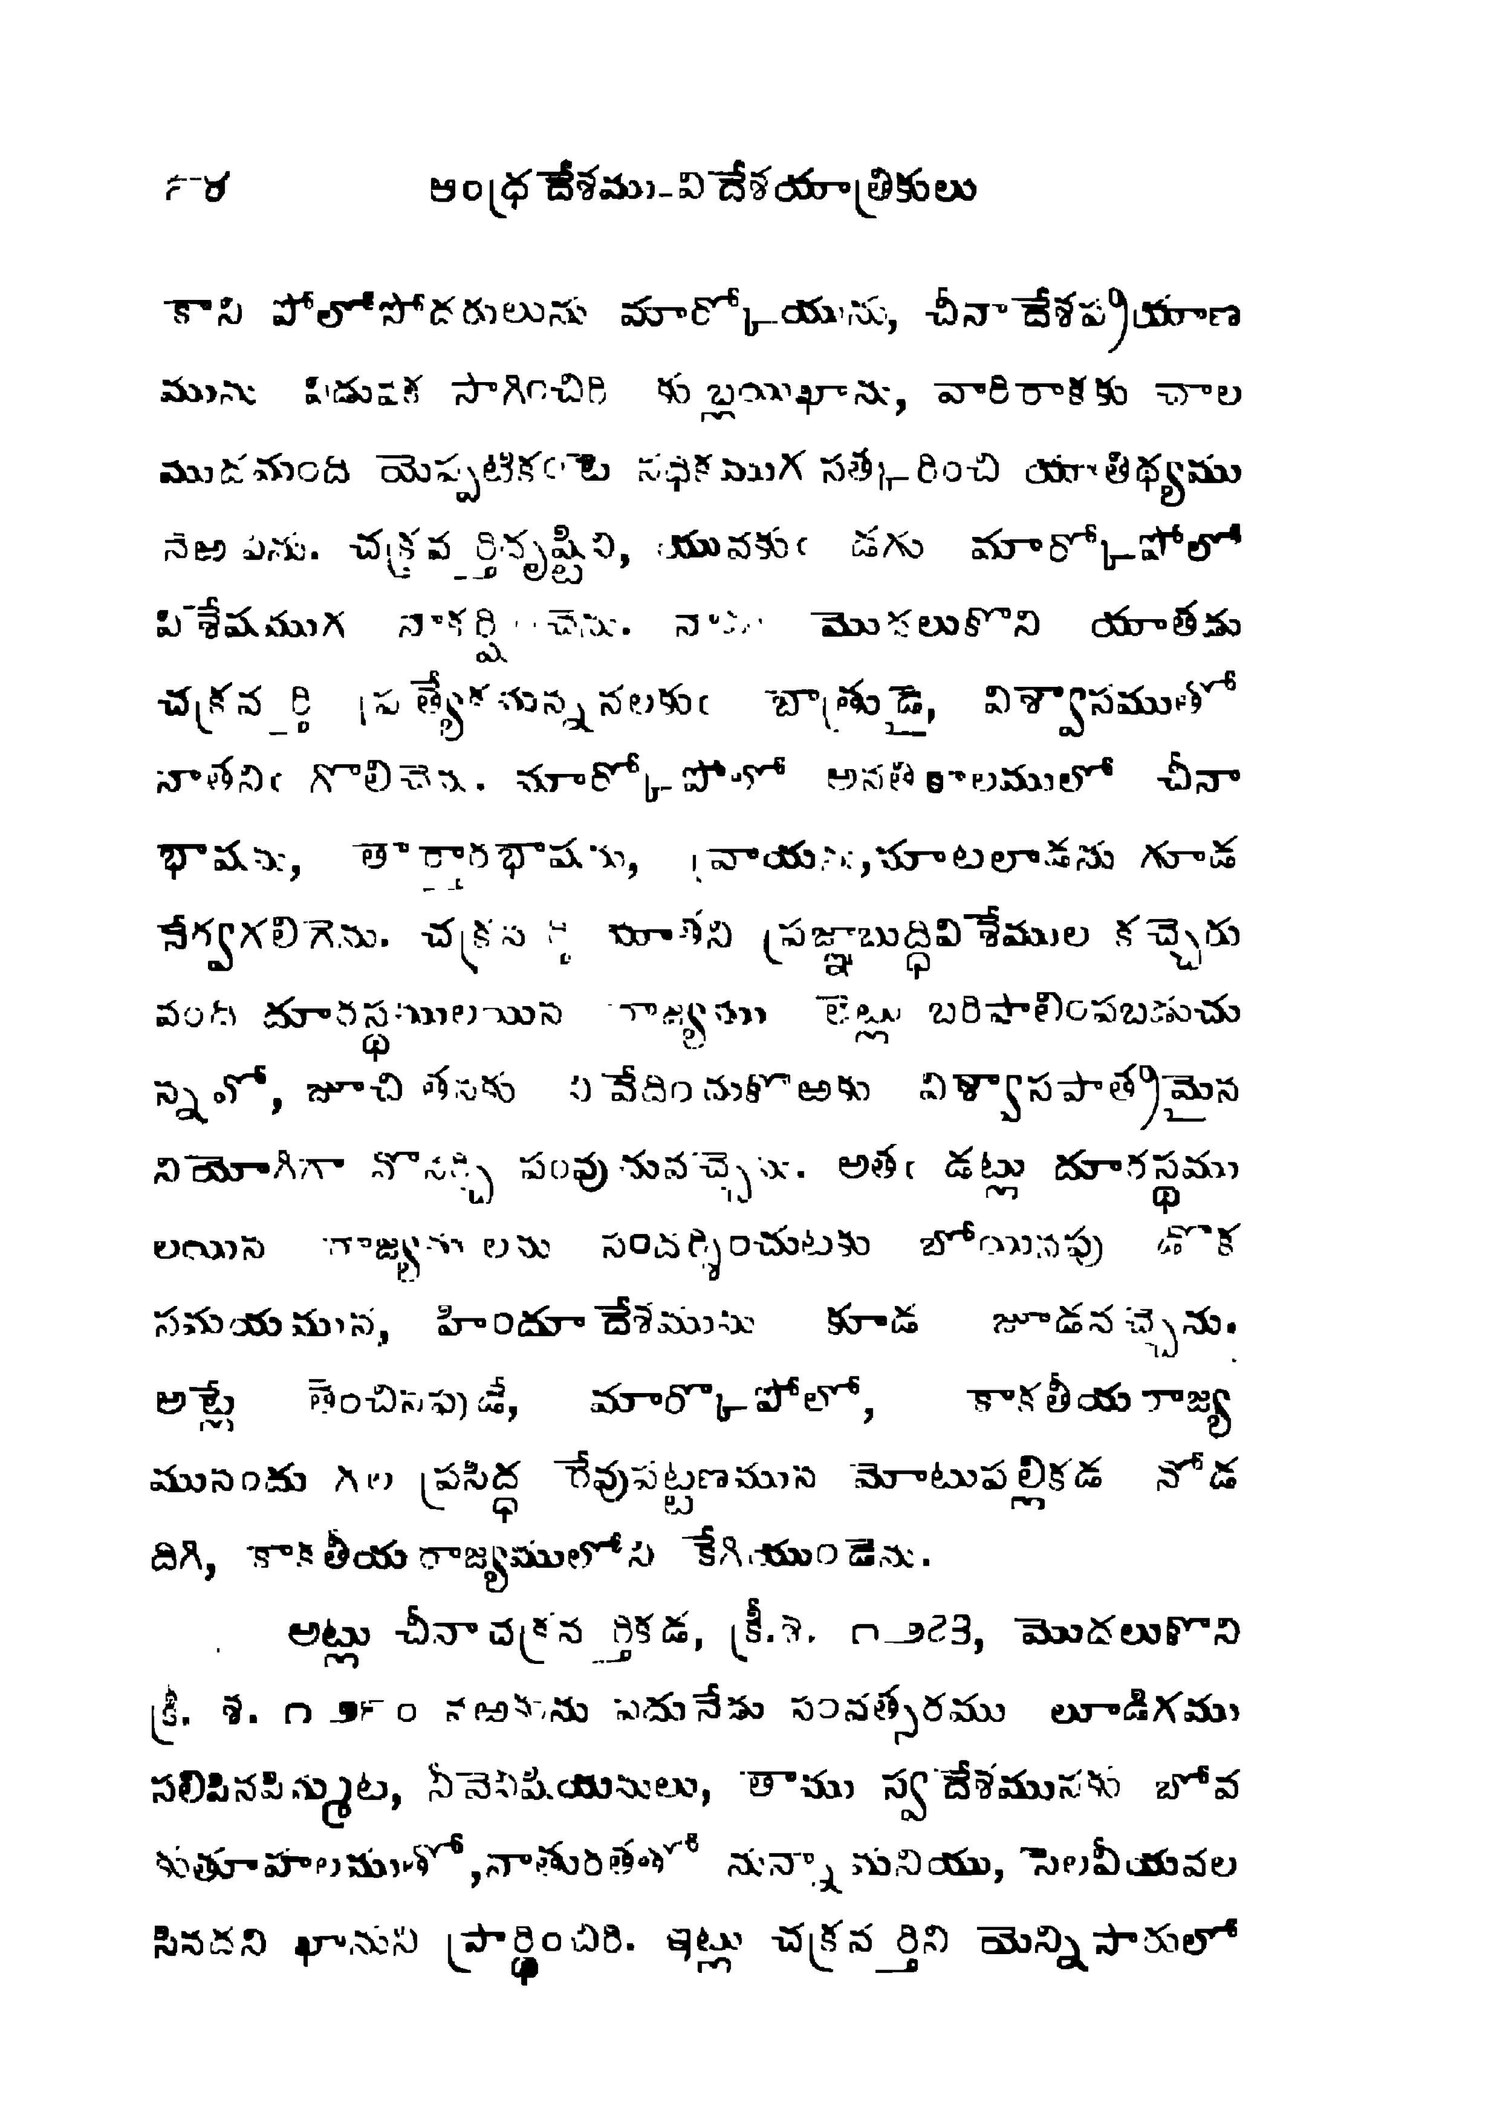కాని పోలోసోదరులును మార్కోయును, చీనా దేశప్రయాణమును విడువక సాగించిరి కుబ్లయిఖాను, వారిరాకకు చాల ముదమంది యెప్పటికంటె నధికముగ సత్కరించి యాతిథ్యము నెఱపెను. చక్రవర్తిదృష్టిని, యువకు డగు మార్కోపోలో విశేషముగ నాకర్షించెను. నాడు మొదలుకొని యాతడు చక్రవర్తి ప్రత్యేకమన్ననలకు బాత్రుడై, విశ్వాసముతో నాతని గొలిచెను. మార్కోపోలో అనతి కాలములో చీనా భాషను, తార్తారభాషను, వ్రాయను, మాటలాడను గూడ నేర్వగలిగెను. చక్రవర్తి యాతని ప్రజ్ఞాబుద్ధివిశేషముల కచ్చెరువంది దూరస్థములయిన రాజ్యము లెట్లు బరిపాలింపబడుచున్నవో, జూచి తనకు నివేదించు కొఱకు విశ్వాసపాత్రమైన నియోగిగా వొనర్చి పంపుచువచ్చెను. అత డట్లు దూరస్థములయిన రాజ్యములను సందర్శించుటకు బోయినపు డొక సమయమున, హిందూ దేశమును కూడ జూడవచ్చెను. అట్లే తెంచినపుడీ, మార్కోపోలో, కాకతీయ రాజ్యమునందు గల ప్రసిద్ధ రేవుపట్టణమున మోటుపల్లికడ నోడదిగి, కాకతీయరాజ్యములోని కేగియుండెను.

అట్లు చీనా చక్రవర్తికడ, క్రీ.శ. 1273, మొదలుకొని క్రీ.శ. 1290 వఱకును పదునేడు సంవత్సరము లూడిగము సలిపినపిమ్మట, నీవెనిషియనులు, తాము స్వదేశమునకు బోవ కుతూహలముతో, నాతురతతో నున్నామనియు, సెలవీయవలసినదని ఖానుని ప్రార్థించిరి. ఇట్లు చక్రవర్తిని యెన్నిసారులో